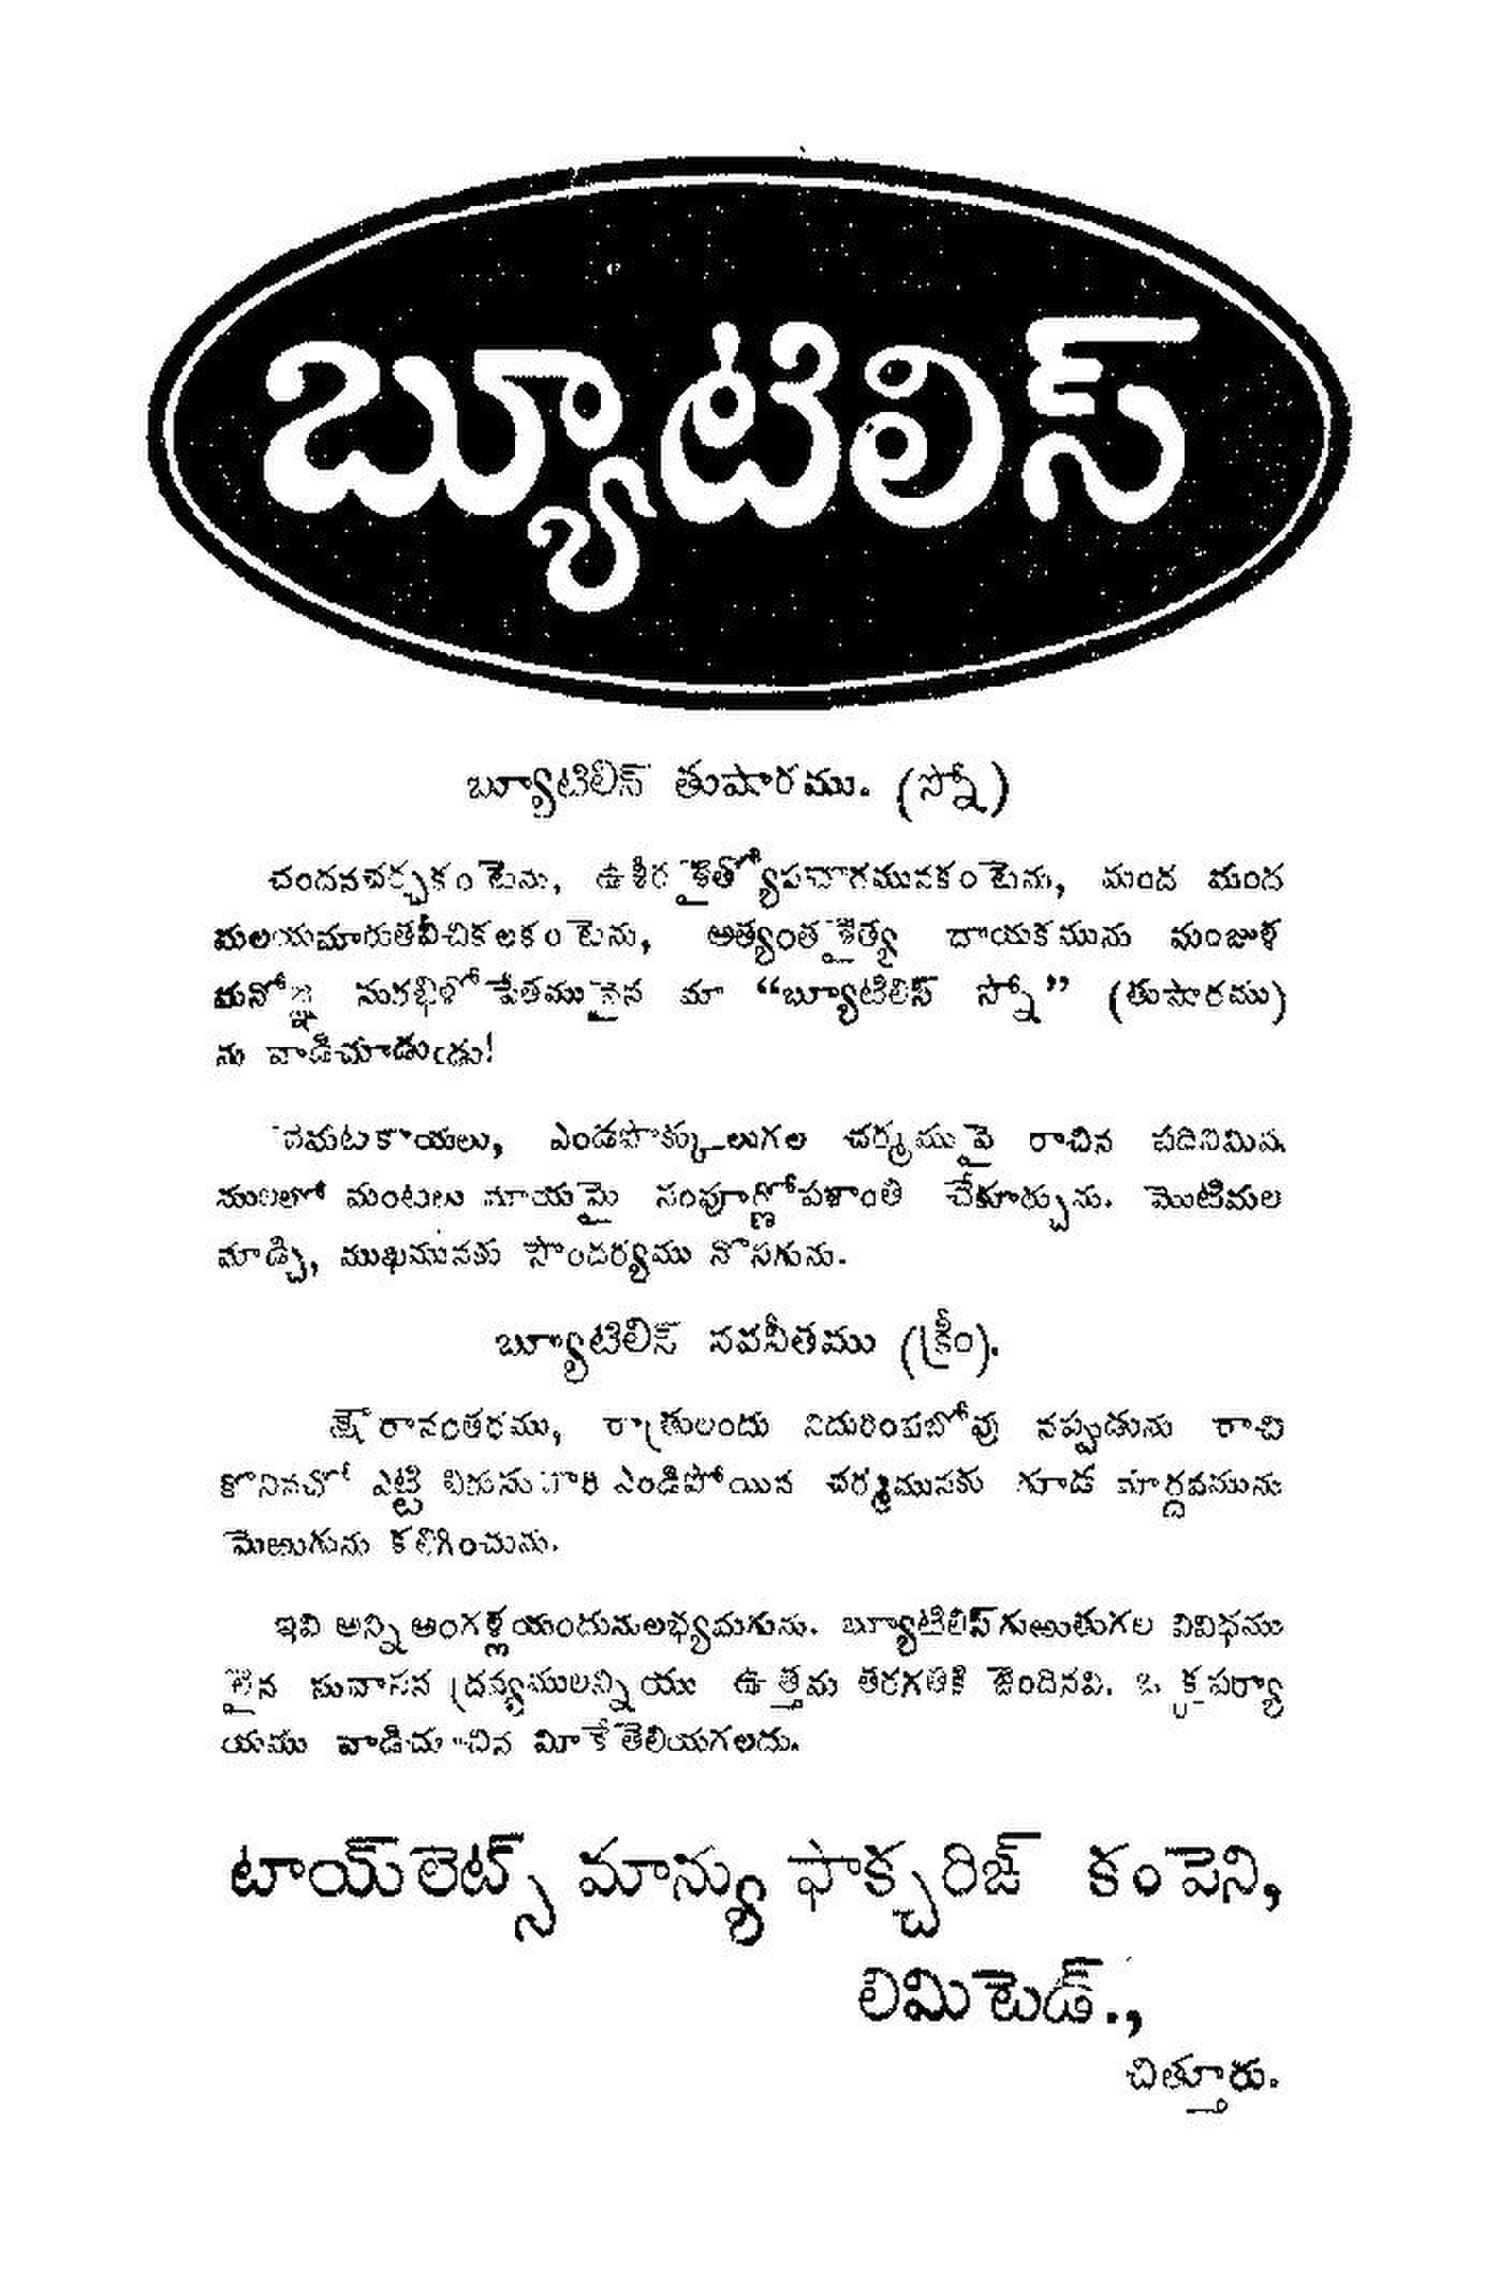బ్యూటీలిస్ తుషారము.(స్నో)
 చందనచర్చకంటెను, ఉశీర శైత్యోపచారమునకంటెను, మంద మంద మలయమారుతవీచికలకంటెను, అత్యంతశైత్య దాయమును మంజుళ మనోజ్ఞ సురభిళోపేతమునైన మా "బ్యూటిలిస్ స్నో" (తుషారం) ను వాడిచూడుడు!
 ననుటకాలయలు, ఎండపొక్కులుగల చర్మముపై రాచిన పదినిమిషములలో మంటలు మాయమై సంపూర్ణోపశాంతి చేకూర్చును. మొటిమల మాడ్చి, ముఖమునకు సౌందర్యము నొసగును.
 బ్యూటిలిస్ నవనీతము (క్రీం)
 క్షారానంతరము, రాత్రులందు నిదురింపబోవు నప్పుడును రాచి కొనినచో ఎట్టి బిరుసుపారి ఎండిపోయిన చ్ర్మమునకు గూడ మార్ధవమున్ మెఱుగును కలిగించును.
 ఇవి అన్ని ఆంగళ్లయందునులభ్యమగును. బ్యూటిలిస్ గుఱుతుగల వివిధములైన సువాసన ద్రవ్యములన్నియు ఉత్తమ తరగతికి జెందినవి. ఒక్క పర్యాయము వాడిచూచిన మీకేతెలియగలదు.
టాయ్ లెట్స్ మాన్యు ఫాక్చరిజ్ కంపెని, లిమిటెడ్., 
 చిత్తూరు.